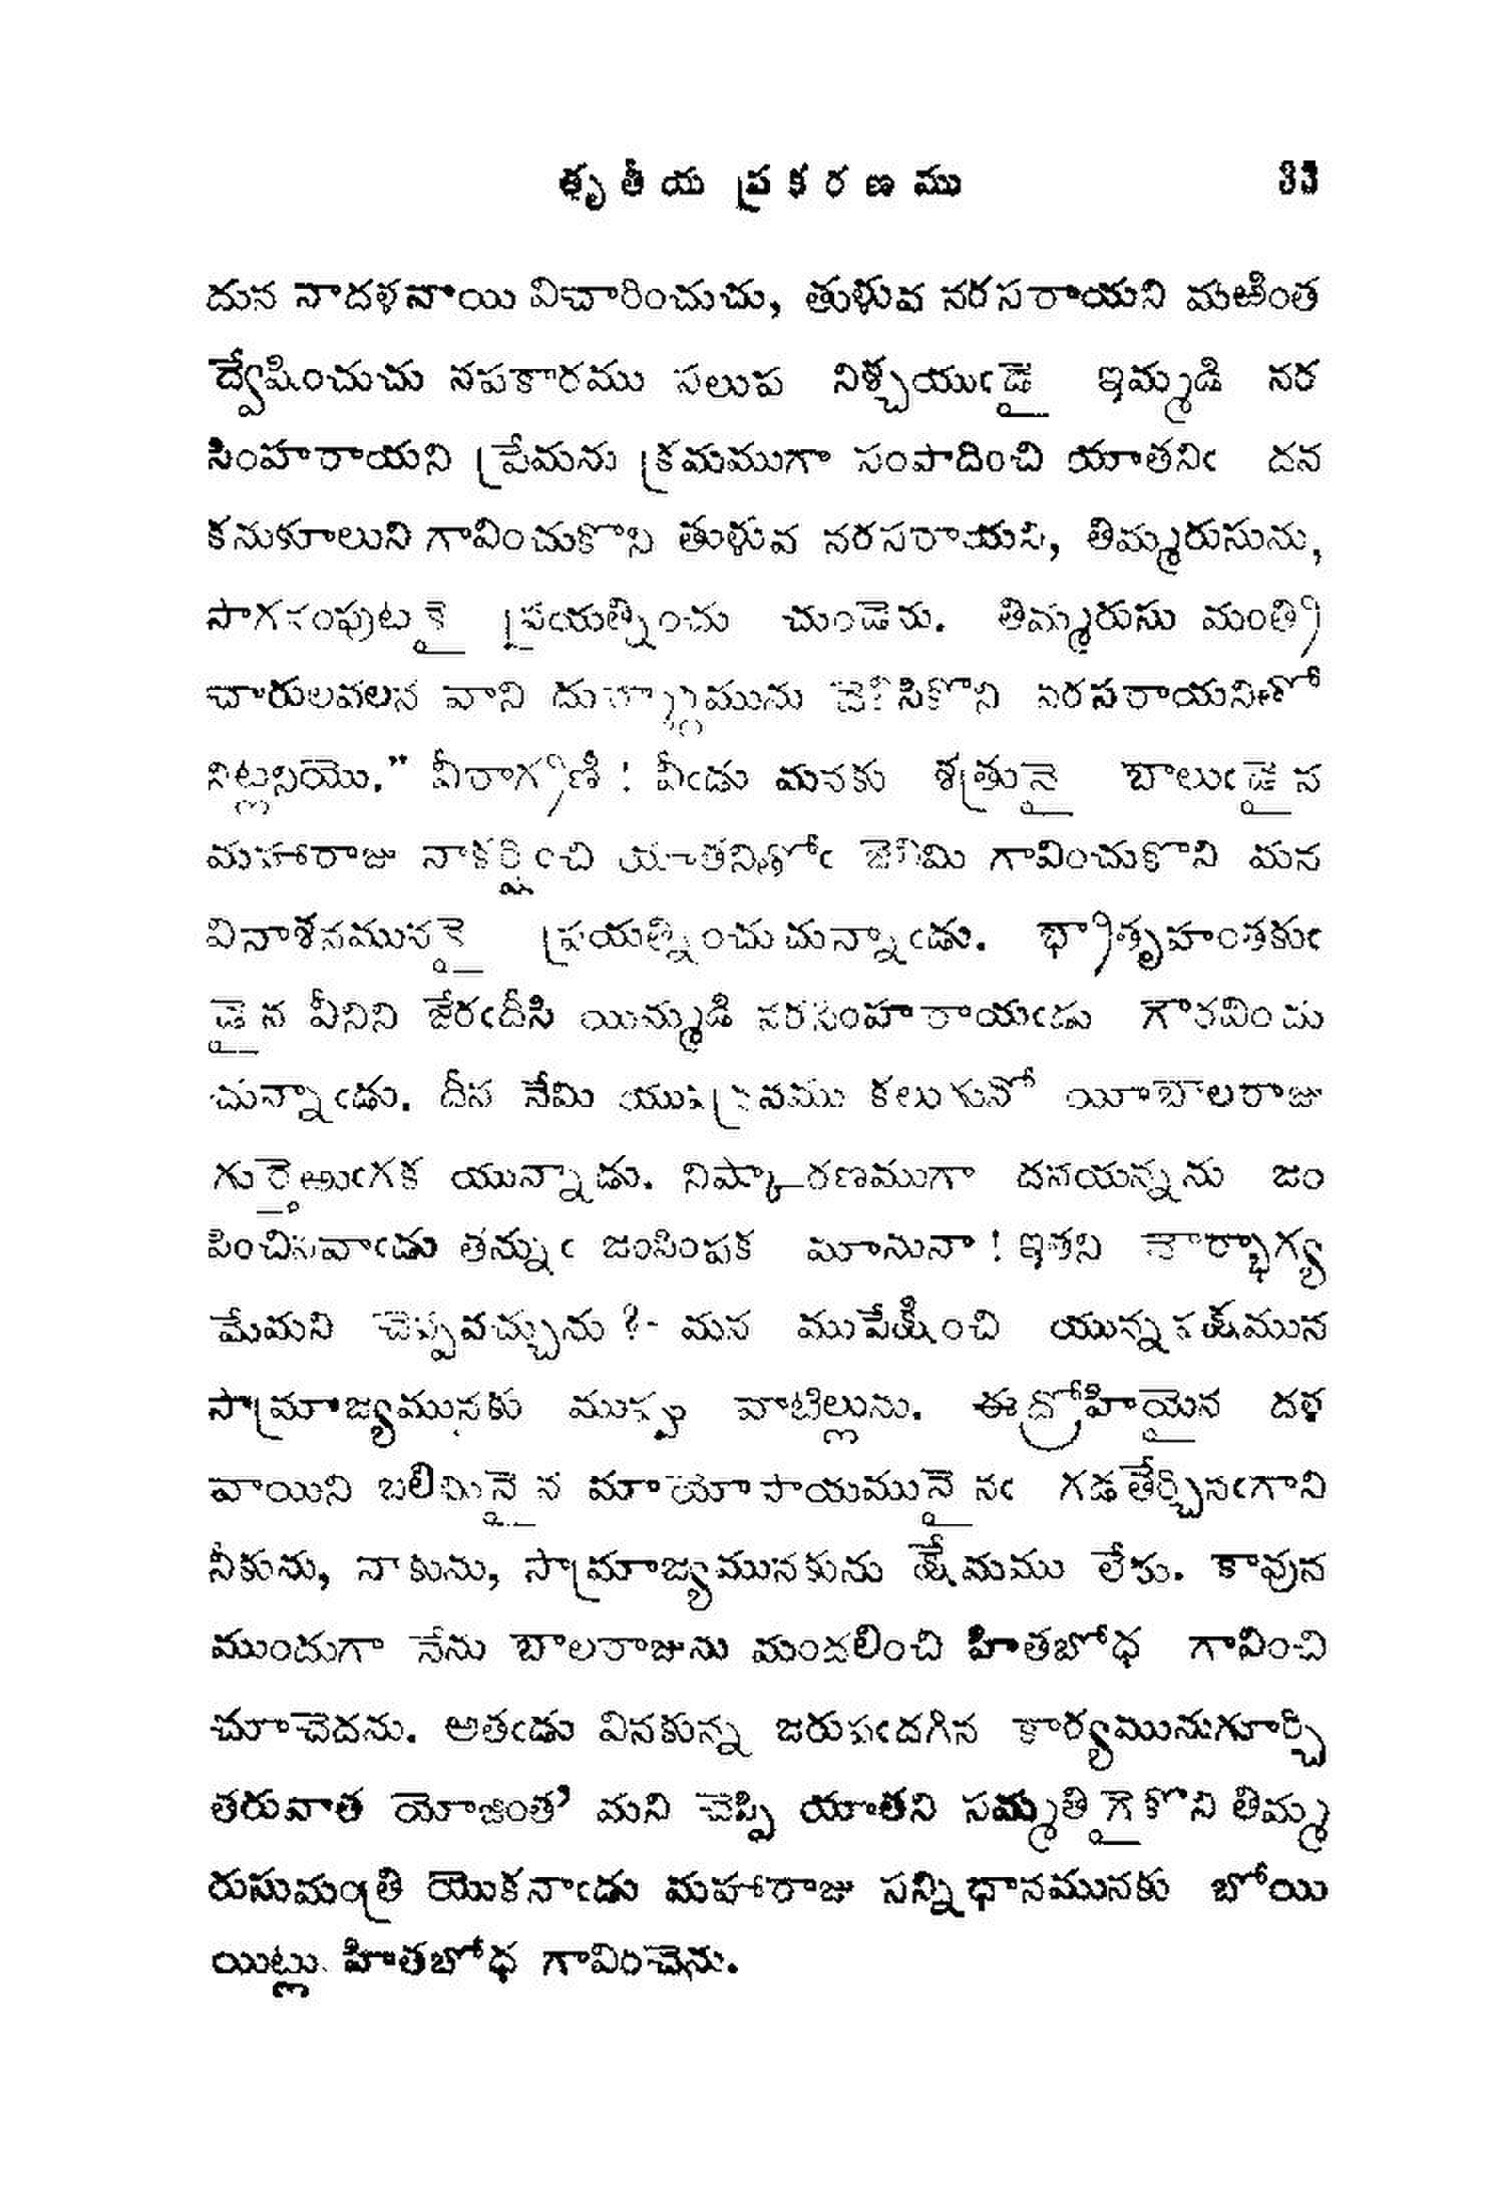దున నాదళవాయి విచారించుచు, తుళువ నరసరాయని మఱింత ద్వేషించుచు నపకారము సలుప నిశ్చయుఁడై ఇమ్మడి నరసింహరాయని ప్రేమను క్రమముగా సంపాదించి యాతనిఁ దన కనుకూలుని గావించుకొని తుళువ నరసరాయని, తిమ్మరుసును, సాగనంపుటకై ప్రయత్నించు చుండెను. తిమ్మరుసు మంత్రి చారులవలన వాని దుర్మార్గమును దెలిసికొని సరసరాయనితో నిట్లనియె." వీరాగ్రణీ! వీఁడు మనకు శత్రువై బాలుఁడైన మహారాజు నాకర్షించి యాతనితోఁ జెలిమి గావించుకొని మన వినాశనమునకై ప్రయత్నించుచున్నాఁడు. భ్రాతృహంతకుఁడైన వీనిని జేరఁదీసి యిమ్మడి సరసింహరాయఁడు గౌరవించు చున్నాఁడు. దీన నేమి యుపద్రవము కలుగునో యీబాలరాజు గుర్తెఱుఁగక యున్నాడు. నిష్కారణముగా దనయన్నను జంపించినవాఁడు తన్నుఁ జంపింపక మాసునా ! ఇతని దౌర్భాగ్య మేమని చెప్పవచ్చును? మన ముపేక్షించి యున్న పక్షమున సామ్రాజ్యమునకు ముప్పు వాటిల్లును. ఈద్రోహియైన దళవాయిని బలిమినైన మాయోపాయమునైనఁ గడతేర్చినఁగాని నీకును, నాకును, సామ్రాజ్యమునకును క్షేమము లేదు. కావున ముందుగా నేను బాలరాజును మందలించి హితబోధ గావించి చూచెదను. అతఁడు వినకున్న జరుపఁదగిన కార్యమునుగూర్చి తరువాత యోజింత' మని చెప్పి యాతని సమ్మతిగైకొని తిమ్మరుసుమంత్రి యొకనాఁడు మహారాజు సన్నిధానమునకు బోయి యిట్లు హితబోధ గావించెను.